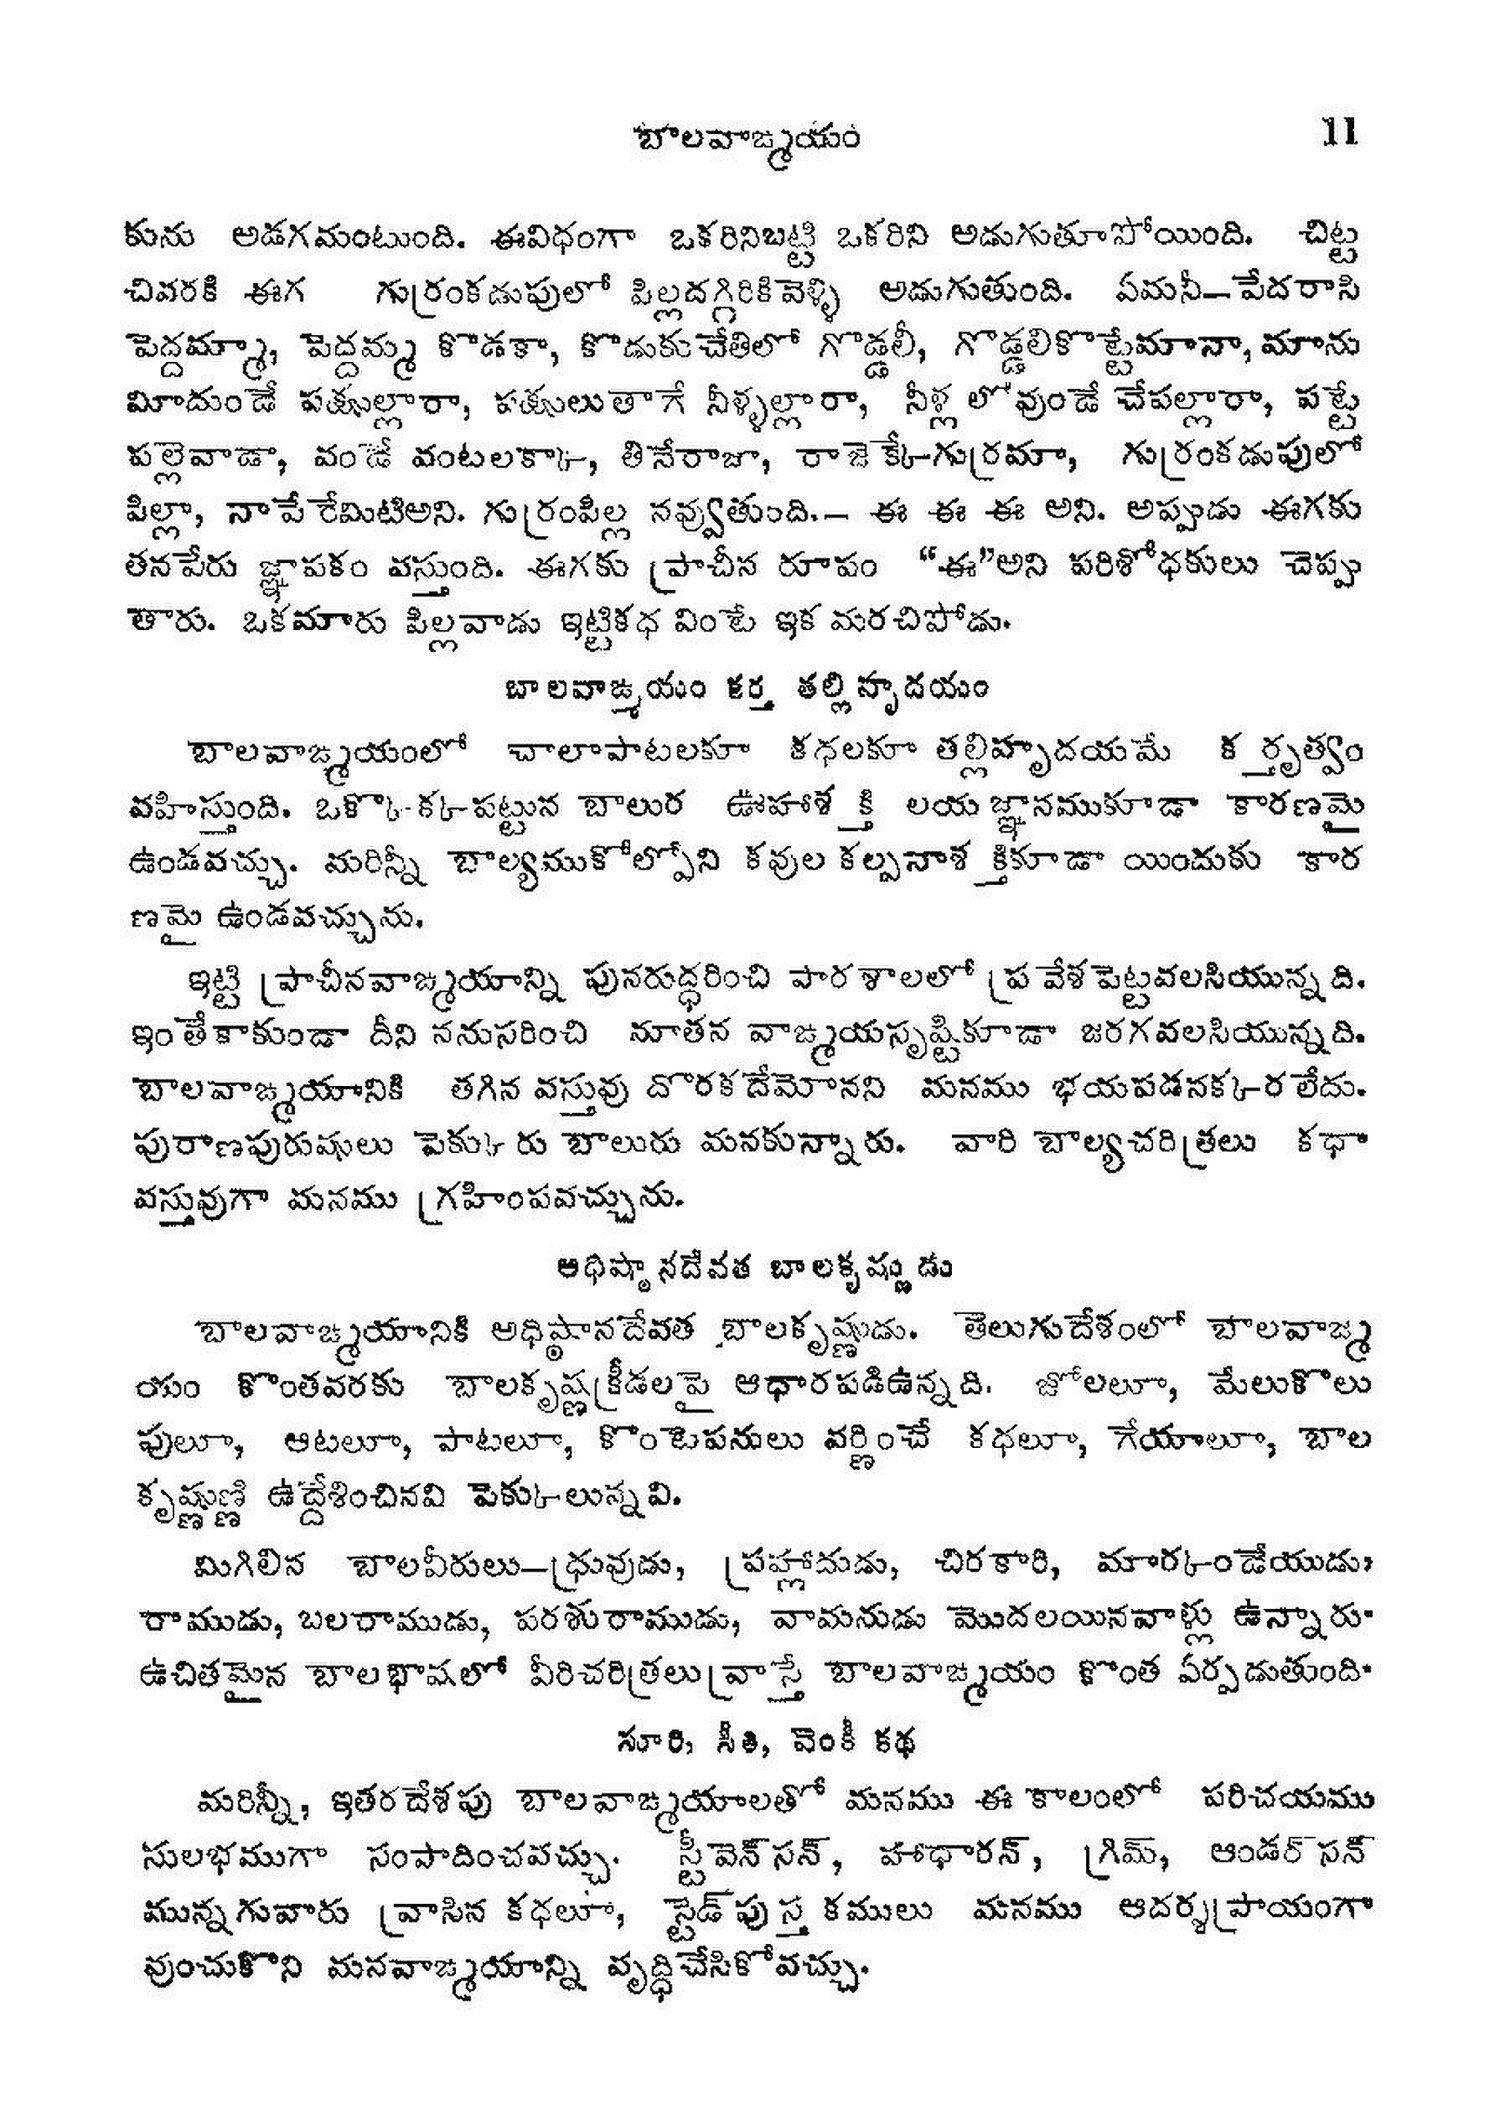కును అడగమంటుంది. ఈవిధంగా ఒకరినిబట్టి ఒకరిని అడుగుతూ పోయింది. చిట్టచివరికి ఈగ గుర్రంకడుపులో పిల్లదగ్గిరికి వెళ్ళి అడుగుతుంది. ఏమనీ_పేదరాసి పెద్దమ్మా, పెద్దమ్మ కొడకా, కొడుకు చేతిలో గొడ్డలీ, గొడ్డలికొట్టేమానా, మాను మీదుండే పక్షుల్లారా, పక్షులుతాగే నీళ్ళల్లారా, నీళ్ల లో వుండే చేపల్లారా, పట్టే పల్లెవాడా, వండే వంటలక్కా, తినేరాజా, రాజెక్కే గుర్రమా, గుర్రంకడుపులో పిల్లా, నాపేరేమిటీఅని. గుర్రం పిల్ల నవ్వుతుంది. __ ఈ ఈ ఈ అని. అప్పుడు ఈగకు తన పేరు జ్ఞాపకం వస్తుంది. ఈగకు ప్రాచీన రూపం "ఈ" అని పరిశోధకులు చెప్పుతారు. ఒకమారు పిల్లవాడు ఇట్టికధ వింటే ఇక మరచిపోడు.

బాలవాఙ్మయంలో చాలా పాటలకూ కధలకూ తల్లిహృదయమే కర్తృత్వం వహిస్తుంది. ఒక్కొక్క పట్టున బాలుర ఊహాశక్తి లయ 
జ్ఞానముకూడా కారణమై ఉండవచ్చు. మరిన్నీ బాల్యముకోల్పోని కవుల కల్పనాశక్తికూడా యిందుకు కారణమై ఉండవచ్చును.

ఇట్టి ప్రాచీనవాఙ్మయాన్ని పునరుద్ధరించి పాఠశాలలో ప్రవేశపెట్టవలసియున్నది. ఇంతేకాకుండా దీని ననుసరించి నూతన వాఙ్మయసృష్టికూడా జరగవలసియున్నది. బాలవాఙ్మయానికి తగిన వస్తువు దొరకదేమోనని మనము భయపడనక్కర లేదు.
పురాణపురుషులు పెక్కురు బాలురు మనకున్నారు. వారి బాల్యచరిత్రలు కధా వస్తువుగా మనము గ్రహింపవచ్చును.
బాలవాఙ్మయానికి అధిష్ఠానదేవత బాలకృష్ణుడు. తెలుగుదేశంలో బాలవాఙ్మయం కొంతవరకు బాలకృష్ణ క్రీడలపై ఆధారపడిఉన్నది. జోలలూ, మేలుకొలుపులూ, ఆటలూ, పాటలూ, కొంటెపనులు వర్ణించే కధలూ, గేయాలూ, బాలకృష్ణుణ్ణి ఉద్దేశించినవి పెక్కులున్నవి.

మిగిలిన బాల వీరులు-ధ్రువుడు, ప్రహ్లాదుడు, చిరకారి, మార్కండేయుడు. రాముడు, బలరాముడు, పరశురాముడు, వామనుడు మొదలయినవాళ్లు ఉన్నారు. ఉచితమైన బాల భాషలో వీరి చరిత్రలు వ్రాస్తే బాలవాఙ్మయం కొంత ఏర్పడుతుంది. 
మరిన్నీ, ఇతర దేశపు బాలవాఙ్మయాలతో మనము ఈ కాలంలో పరిచయము సులభముగా సంపాదించవచ్చు. స్టీవెన్ సన్, హాధారన్, 
గ్రిమ్, ఆండర్ సన్ మున్నగువారు వ్రాసిన కధలూ, స్టెడ్ పుస్తకములు మనము ఆదర్శప్రాయంగా వుంచుకొని మనవాఙ్మయాన్ని వృద్ధిచేసికోవచ్చు.